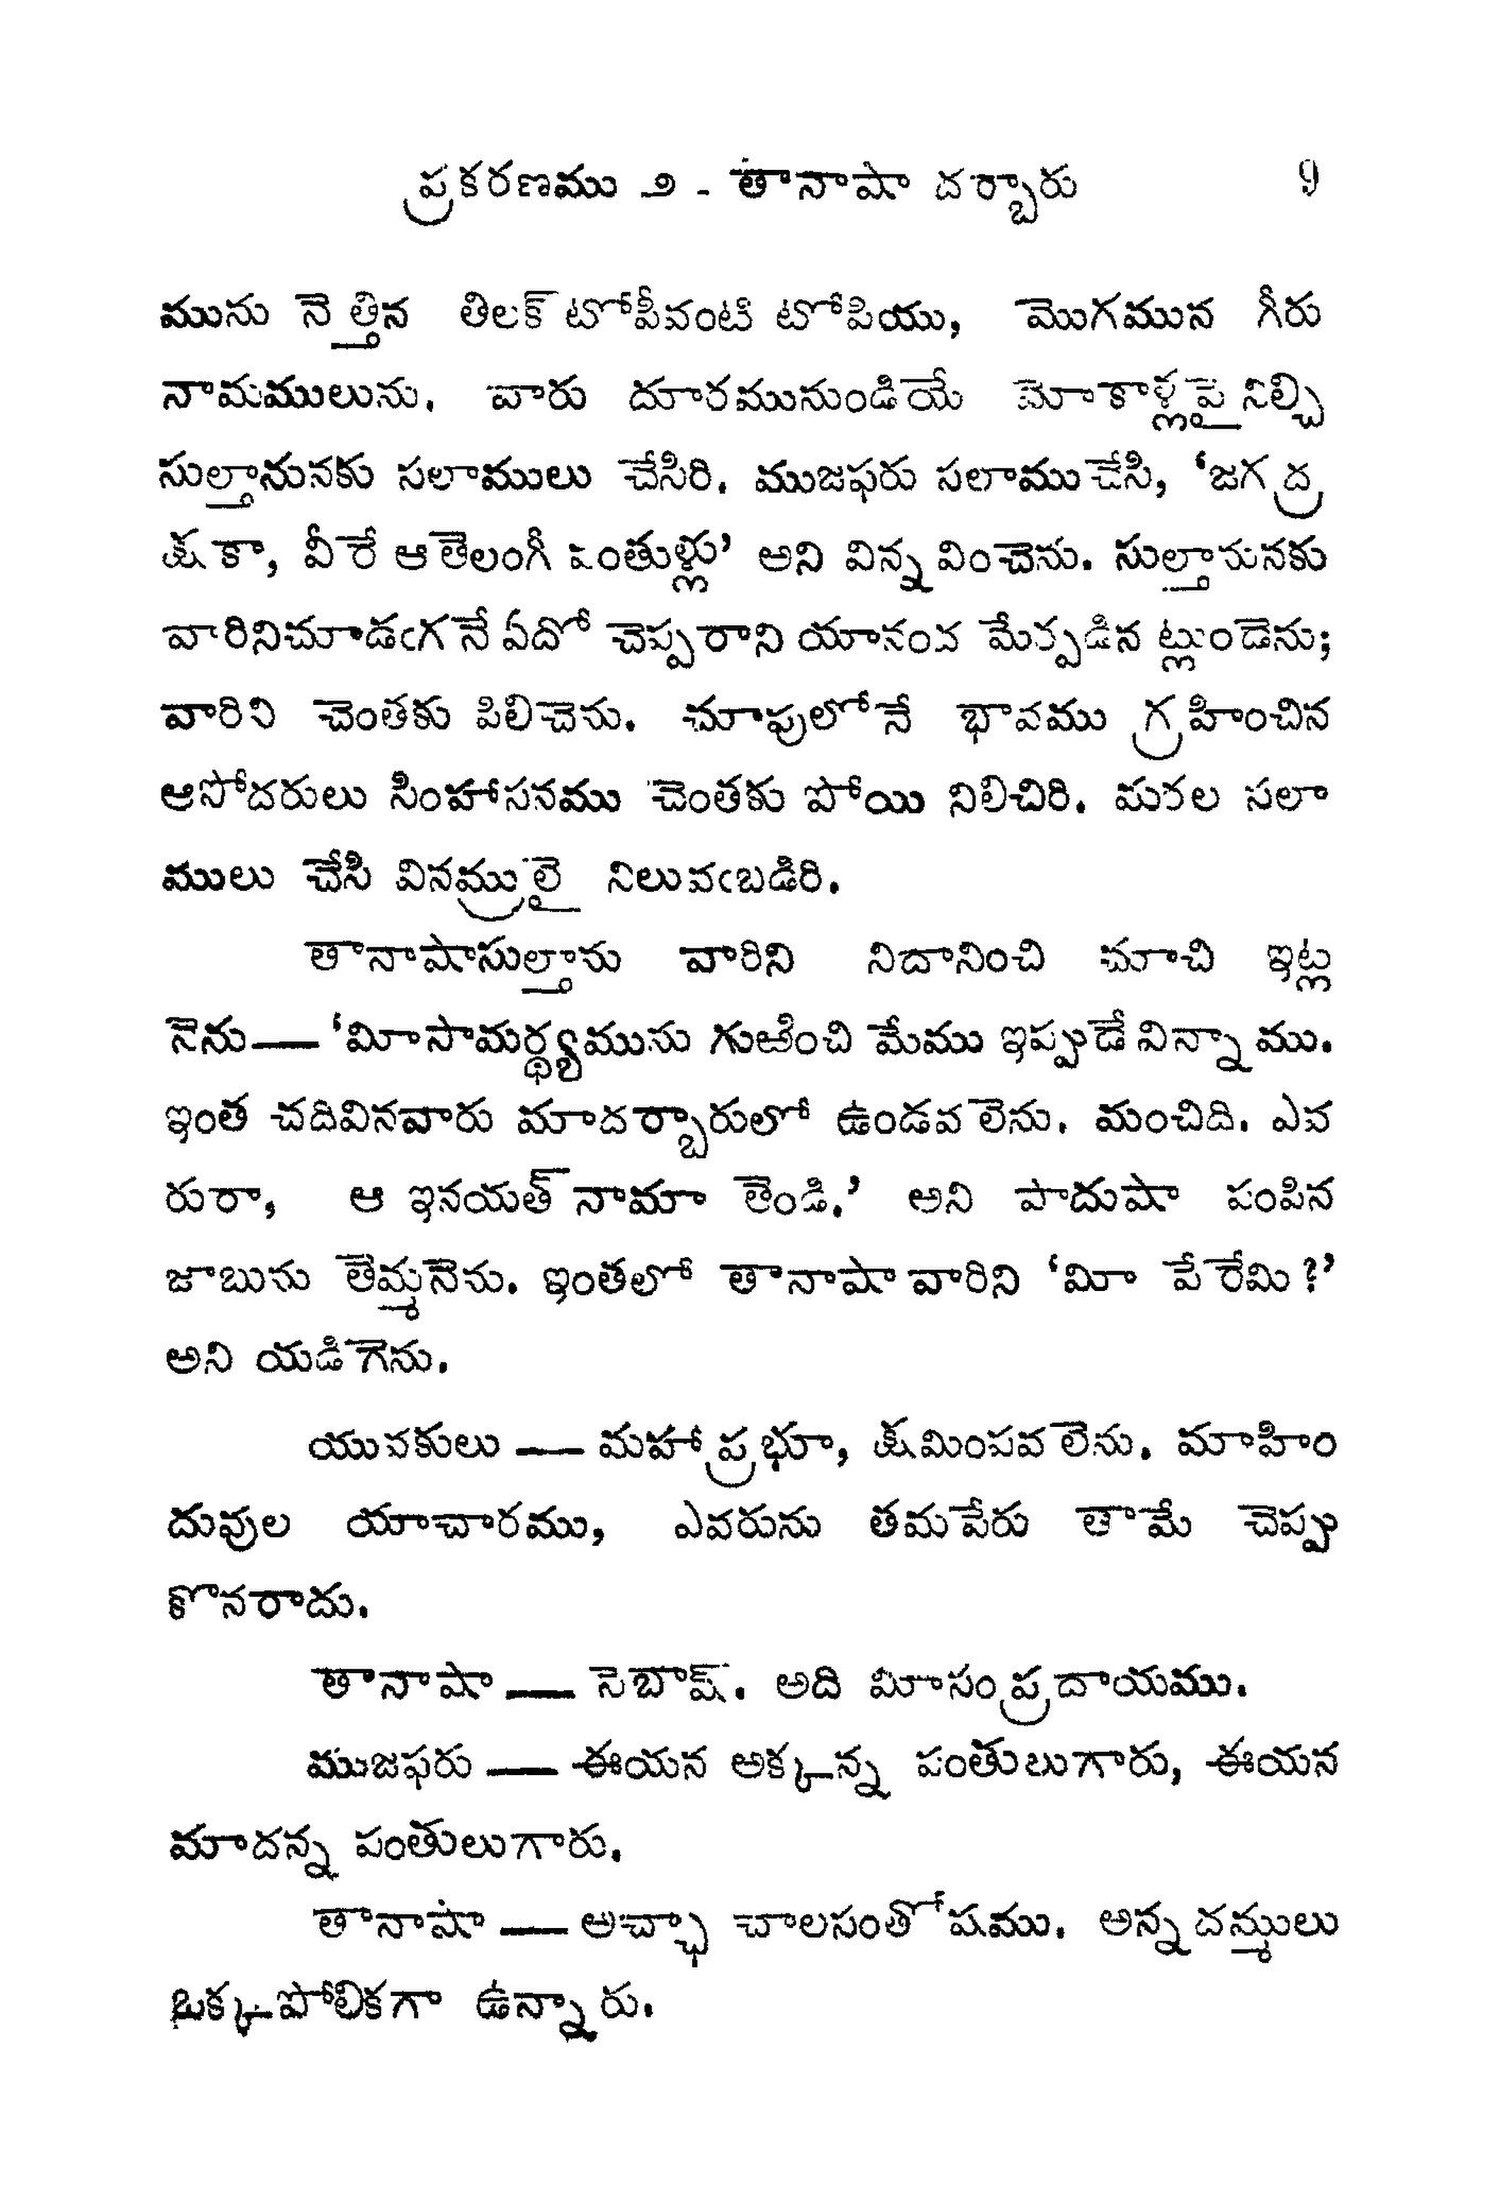మును నెత్తిన తిలక్‌టోపీవంటి టోపియు, మొగమున గీరు నామములును. వారు దూరమునుండియే మోకాళ్లపైనిల్చి సుల్తానునకు సలాములు చేసిరి. ముజఫరు సలాముచేసి, ‘జగద్రక్షకా, వీరే ఆతెలంగీ పంతుళ్లు’ అని విన్నవించెను. సుల్తానునకు వారినిచూడఁగనే ఏదో చెప్పరాని యానంద మేర్పడిన ట్లుండెను; వారిని చెంతకు పిలిచెను. చూపులోనే భావము గ్రహించిన ఆసోదరులు సింహాసనము చెంతకు పోయి నిలిచిరి. మరల సలాములు చేసి వినమ్రులై నిలువఁబడిరి,

తానాషాసుల్తాను వారిని నిదానించి చూచి ఇట్లనెను― ‘మీసామర్థ్యమును గుఱించి మేము ఇప్పడే విన్నాము. ఇంత చదివినవారు మాదర్బారులో ఉండవలెను. మంచిది. ఎవరురా, ఆ ఇనయత్‌నామా తెండి.’ అని పాదుషా పంపిన జాబును తెమ్మనెను. ఇంతలో తానాషావారిని ‘విూ పేరేమి?’ అని యడిగెను.

యువకులు ― మహాప్రభూ, క్షమింపవలెను, మాహిందువుల యాచారము, ఎవరును తమపేరు తామే చెప్పుకొనరాదు.

తానాషా ― సెభాష్. అది మీసంప్రదాయము.

ముజఫరు ― ఈయన అక్కన్న పంతులుగారు, ఈయన మాదన్న పంతులుగారు,

తానాషా ― అచ్ఛా చాలసంతోషము. అన్నదమ్ములు ఒక్కపోలికగా ఉన్నారు.